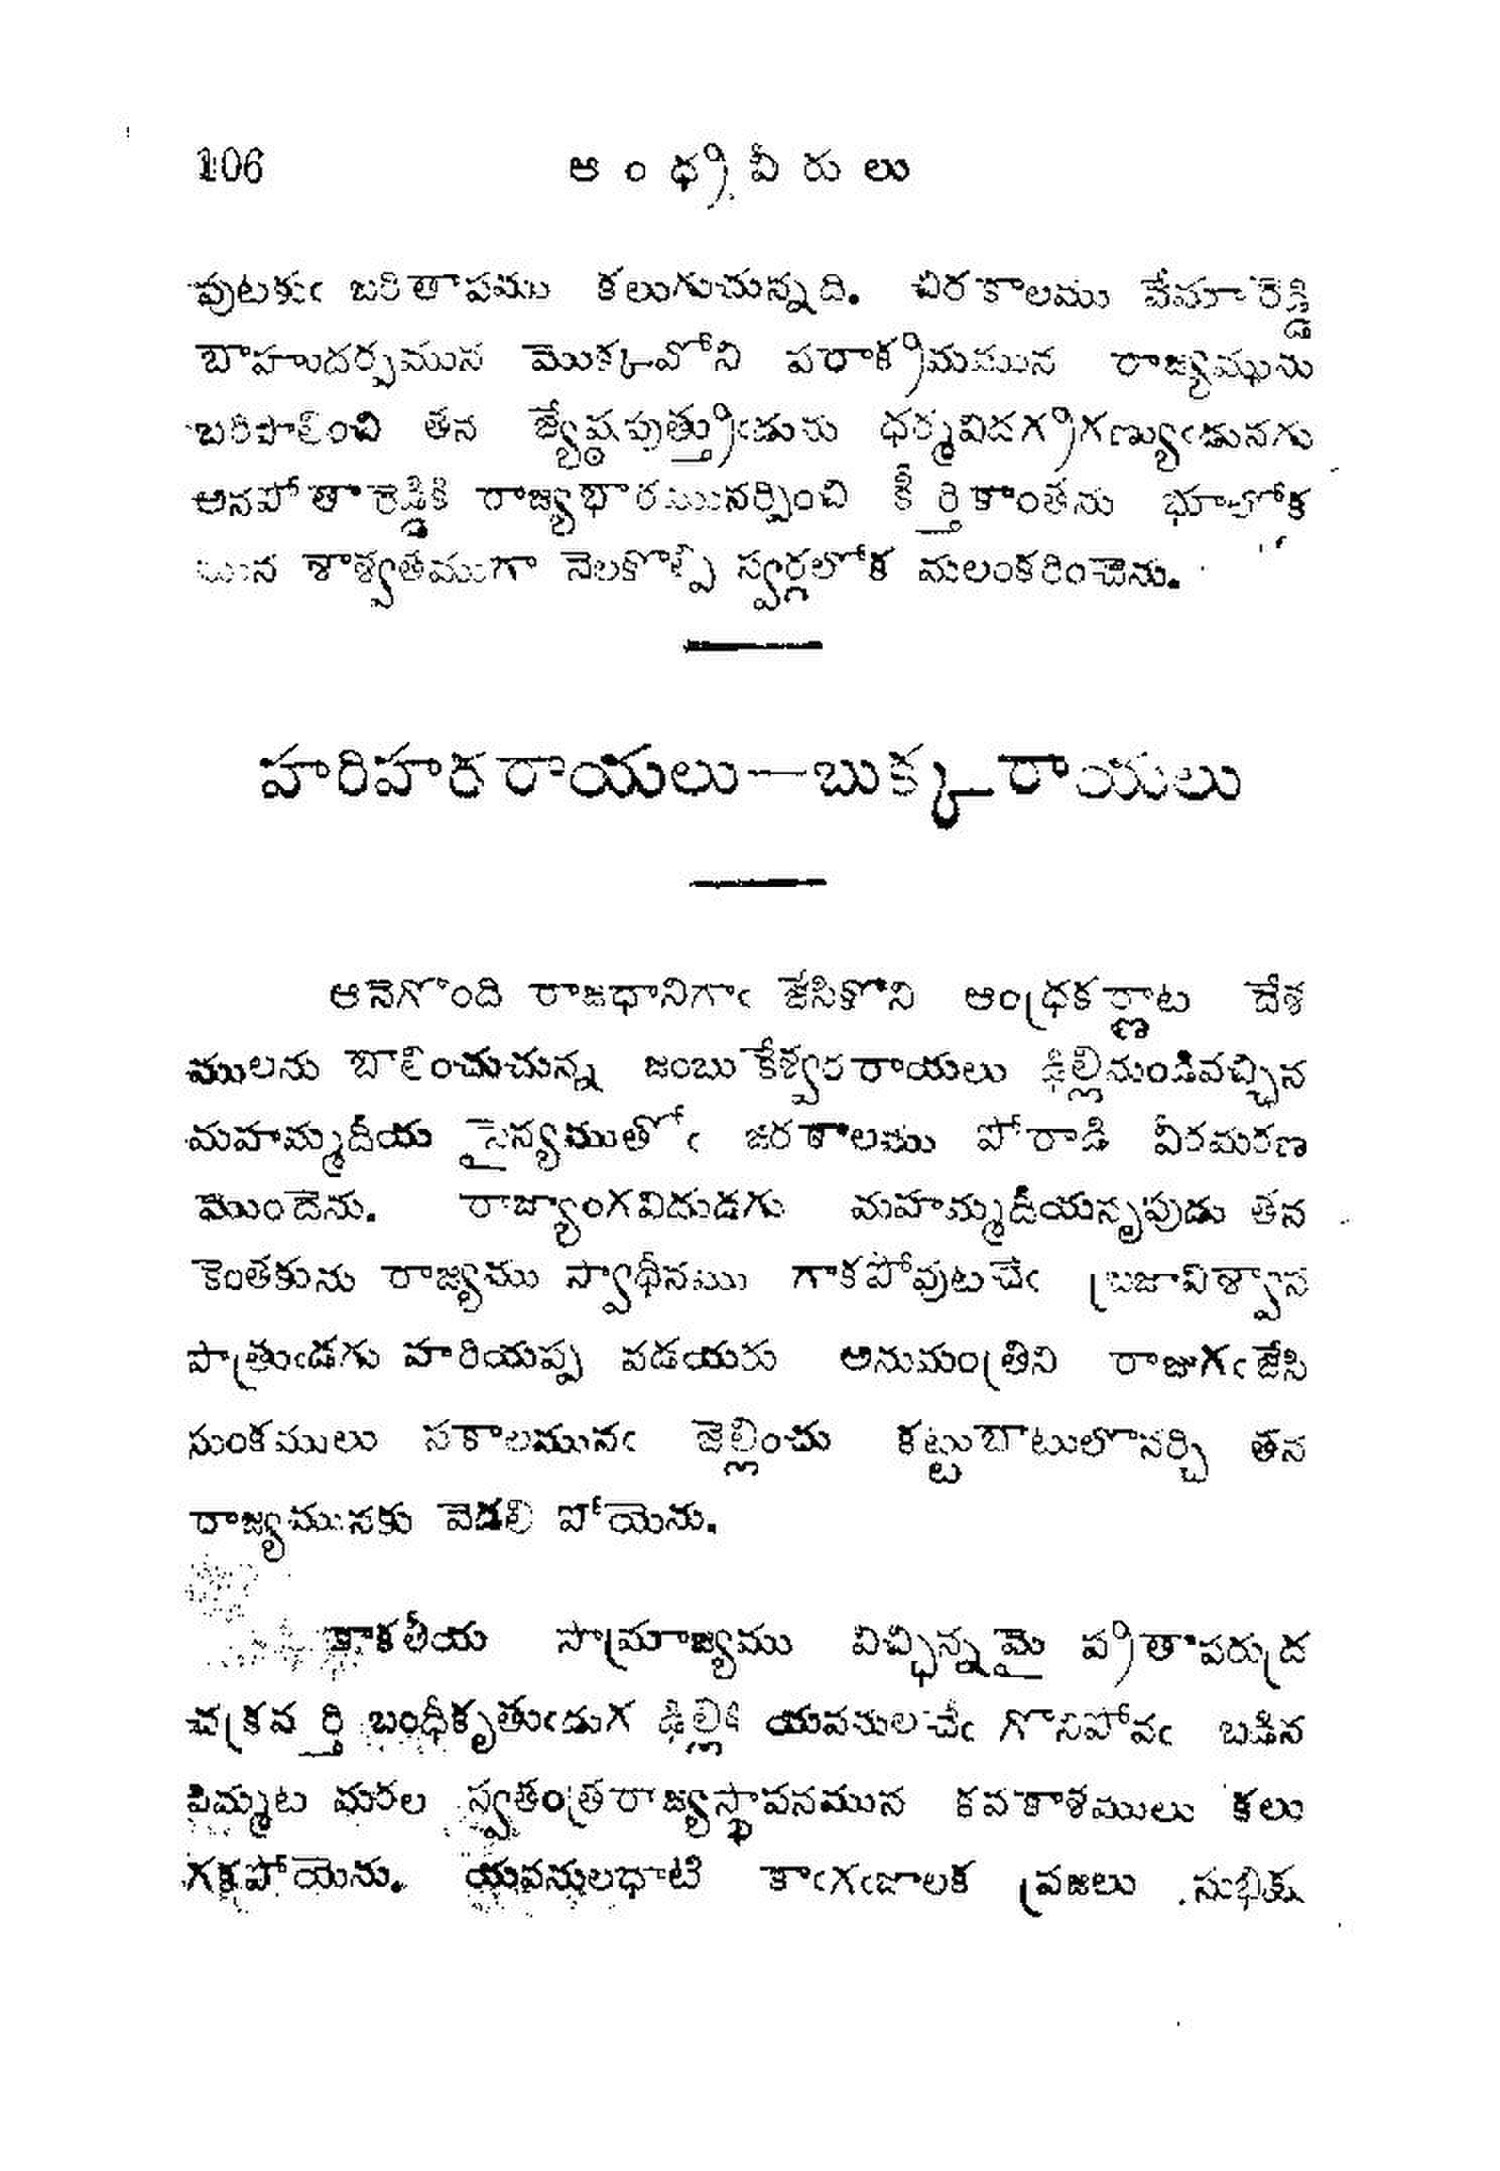పుటకు బరితాపము కలుచున్నది. చిరకాలము వేమారెడ్డి బాహుదర్పమున మొక్కవోని పరాక్రమమున రాజ్యమును బరిపాలించి తన జ్యేష్ఠపుత్రుడును ధర్మవిదగ్రగణ్యుడునగు అనపోతారెడ్డికి రాజ్యభారమునర్పించి కీర్తికాంతను భూలోకమున శాశ్వతముగా నెలకొల్పి స్వర్గలోక మలంకరించెను.

________

ఆనెగొంది రాజధానిగా జేసికొని ఆంధ్రకర్ణాట దేశములను బాలించుచున్న జంబుకేశ్వరరాయలు డిల్లినుండివచ్చిన మహమ్మదీయ సైన్యముతో జిరకాలము పోరాడి వీరమరణమొందెను. రాజ్యాంగవిదుడగు మహమ్మదీయనృపుడు తన కెంతకును రాజ్యము స్వాధీనము గాకపోవుటచే బ్రజావిశ్వాసపాత్రుడగు హరియప్ప వడయరు అనుమంత్రిని రాజుగజేసి సుంకములు సకాలమున జెల్లించు కట్టుబాటులొనర్చి తన రాజ్యమునకు వెడలి పోయెను.

కాకతీయ సామ్రాజ్యము విచ్ఛిన్నమై ప్రతాపరుద్ర చక్రవర్తి బంధీకృతుడుగ డిల్లికి యవనులచే గొనిపోవ బడిన పిమ్మట మరల స్వతంత్రరాజ్యస్థాపనమున కవకాశములు కలుగకపోయెను. యవనులధాటి కాగజాలక ప్రజలు సుభిక్ష